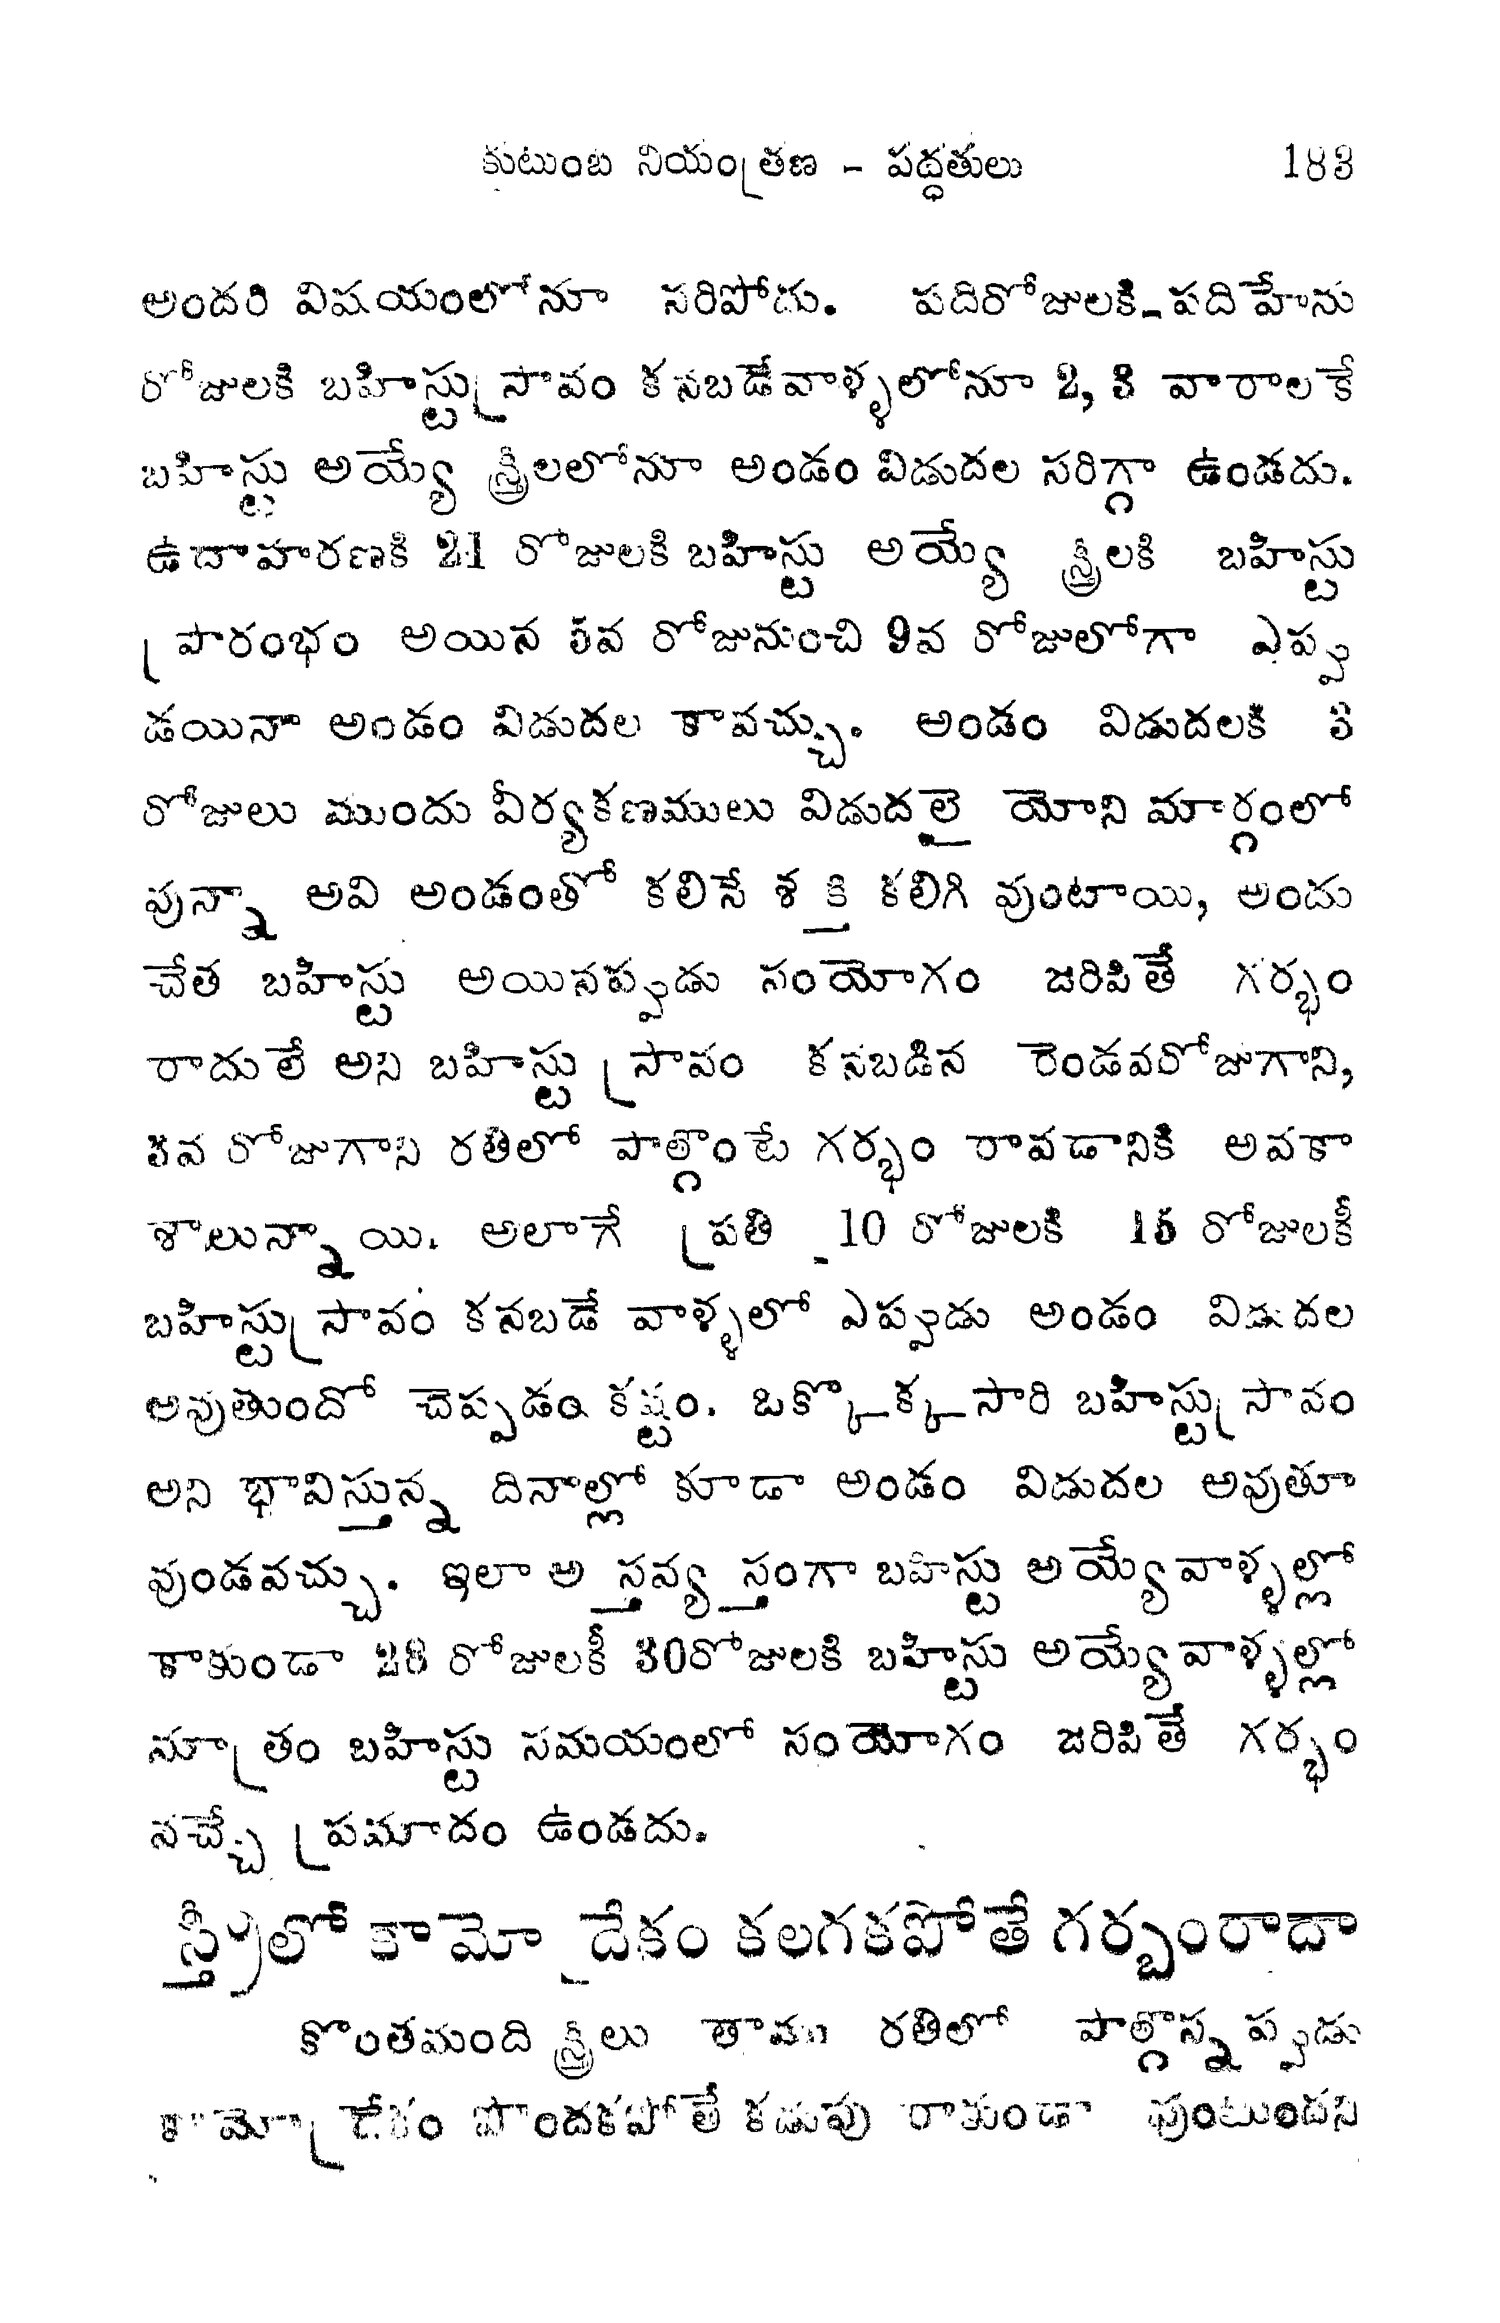అందరి విషయంలోనూ సరిపోదు. పదిరోజులకి-పదిహేనురోజులకి బహిస్టుస్రావం కనబడేవాళ్ళలోనూ 2, 3 వారాలకే బహిస్టు అయ్యే స్త్రీలలోనూ అండం విడుదల సరిగ్గా ఉండదు. ఉదాహరణకి 21 రోజులకి బహిస్టు అయ్యే స్త్రీలకి బహిస్టు ప్రారంభం అయిన 5వ రోజునుంచి 9వ రోజులోగా ఎప్పుడయినా అండం విడుదల కావచ్చు. అండం విడుదలకి 3 రోజులు ముందు వీర్యకణములు విడుదలై యోని మార్గంలో వున్నా అవి అండంతో కలిసే శక్తి కలిగి వుంటాయి, అందుచేత బహిస్టు అయినప్పుడు సంయోగం జరిగితే గర్భం రాదులే అని బహిస్టు స్రావం కనబడిన రెండవరోజుగాని, 3వ రోజుగాని రతిలో పాల్గొంటే గర్భం రావడానికి అవకాశాలున్నాయి. అలాగే ప్రతి 10 రోజులకి 15 రోజులకీ బహిస్టుస్రావం కనబడే వాళ్ళలో ఎప్పుడు అండం విదుదల అవుతుందో చెప్పడం కష్టం. ఒక్కొక్కసారి బహిస్టు స్రావం అని భావిస్తున్న దినాల్లో కూడా అండం విడుదల అవుతూ వుండవచ్చు. ఇలా అస్తవ్యస్తంగా బహిస్టు అయ్యేవాళ్ళల్లో కాకుండా 28 రోజూలకీ 30 రోజులకి బహిస్టు అయ్యేవాళ్ళల్లో మాత్రం బహిస్టు సమయంలో సంయోగం జరిగితే గర్భం వచ్చే ప్రమాదం ఉండదు.

కొంతమంది స్త్రీలు తాము రతిలో పాల్గొన్నప్పుడు కామోద్రేకం పొందకపోతే కడుపు రాకుండా వుంటుందని